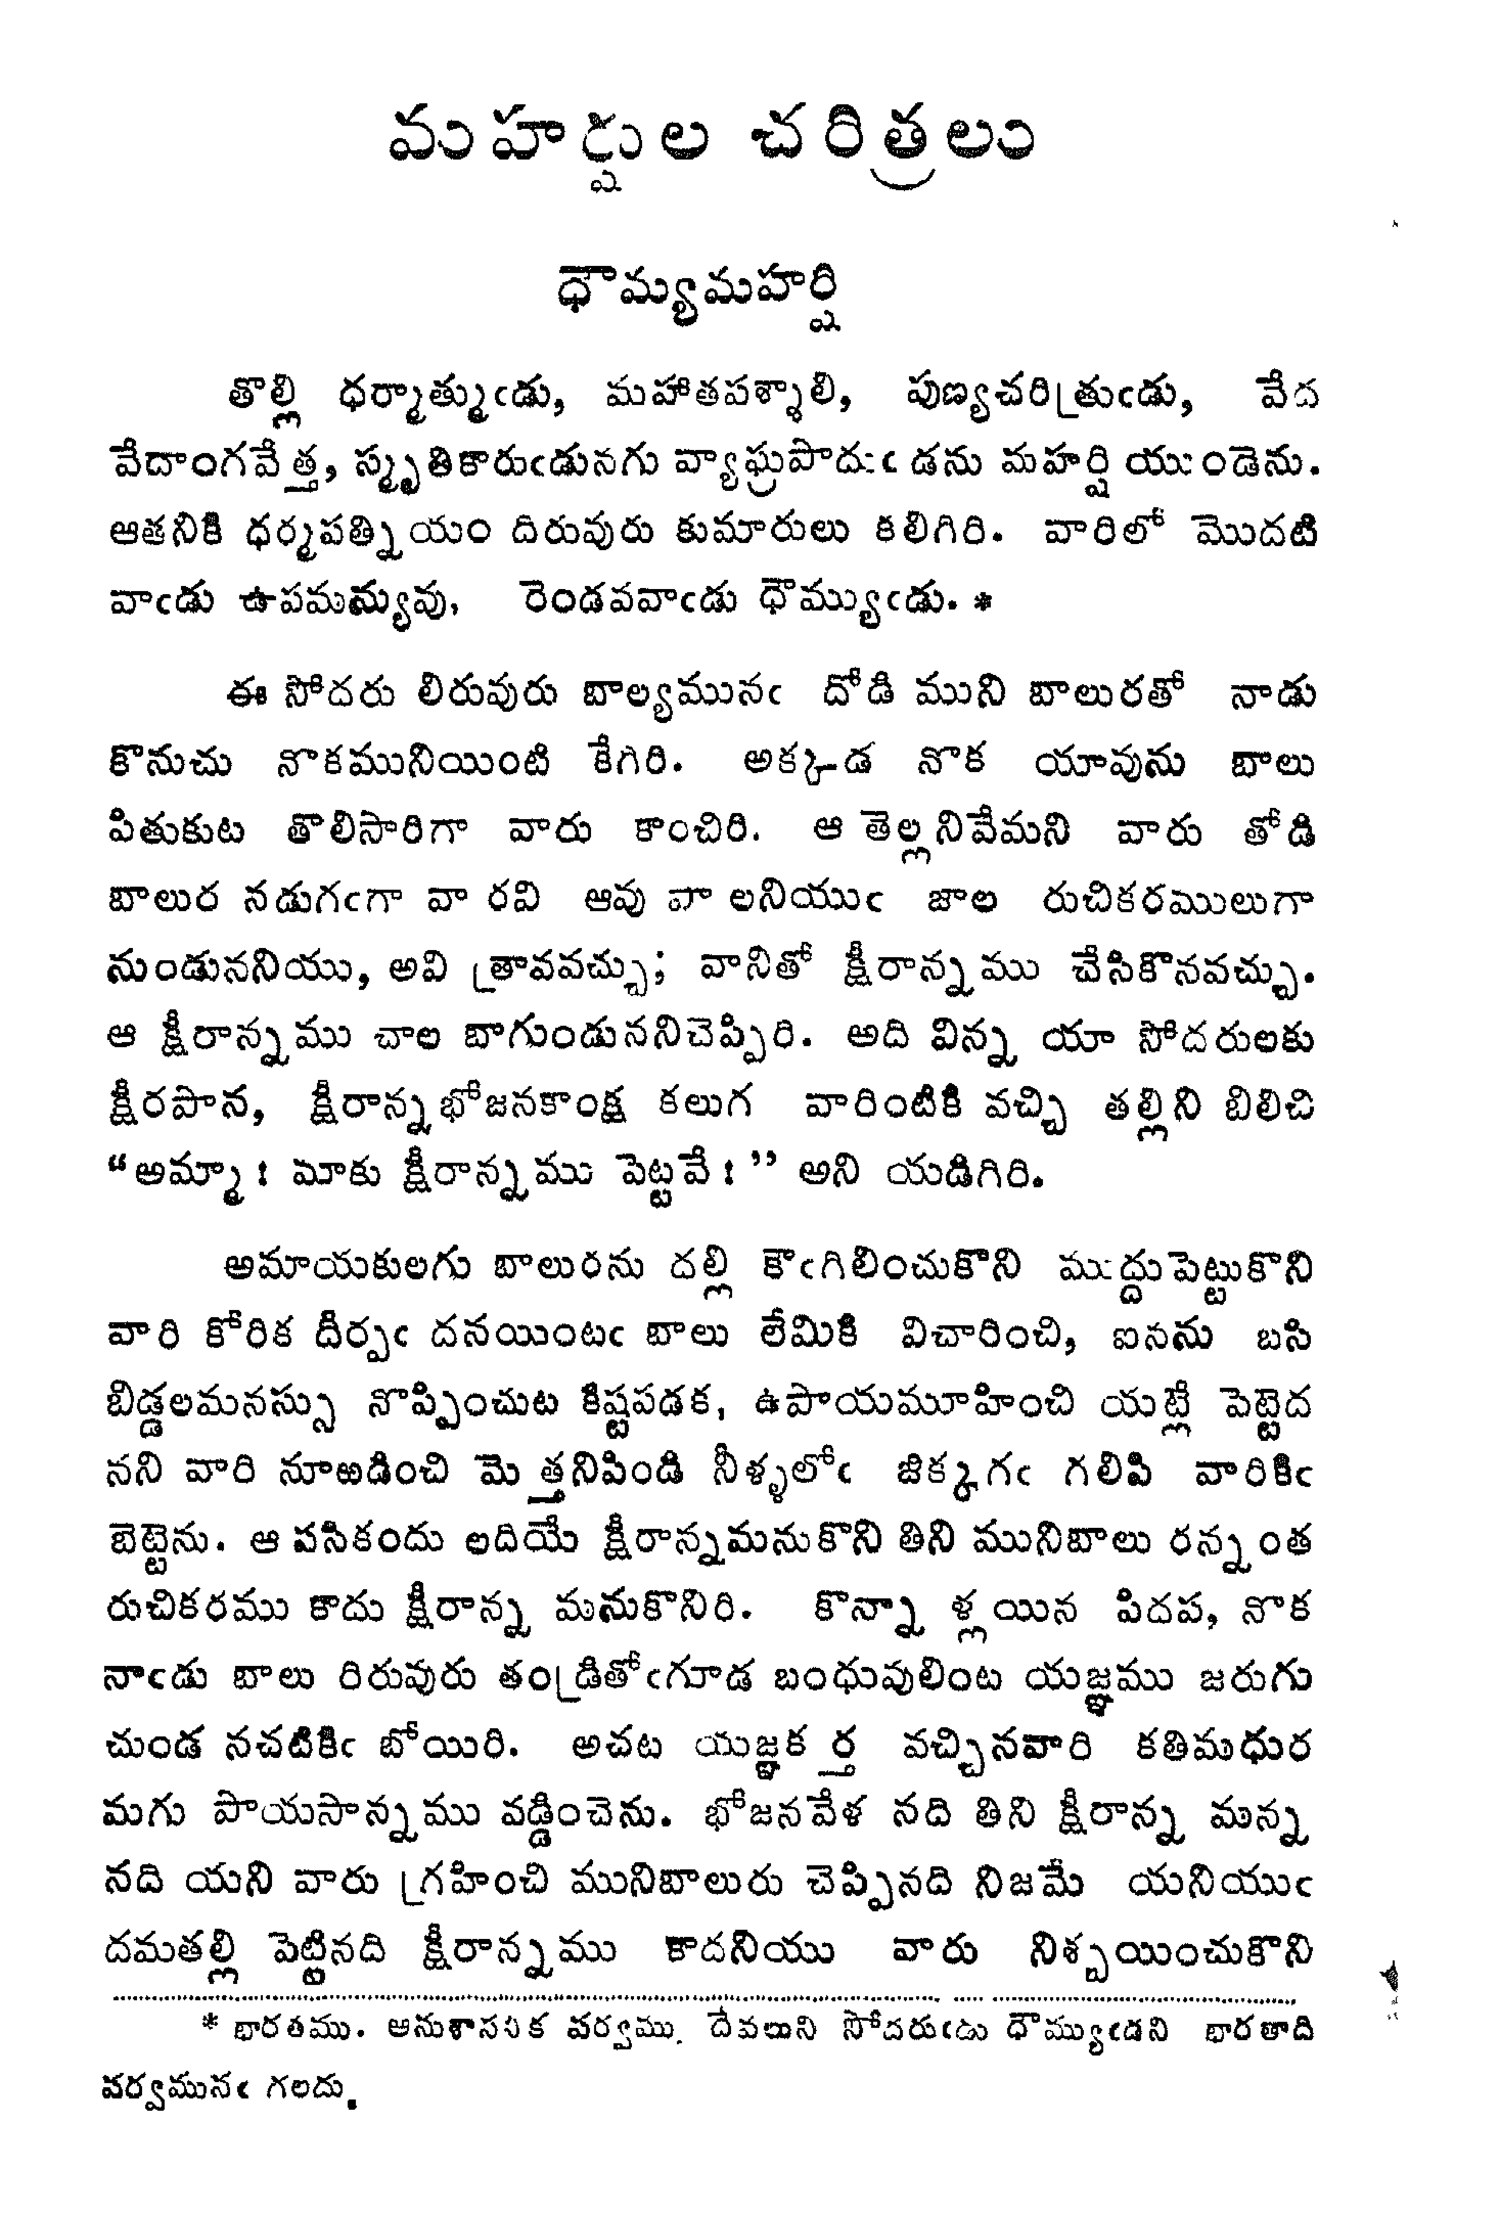మహర్షుల చరిత్రలు

ధౌమ్యమహర్షి 

తొల్లి ధర్మాత్ముఁడు, మహాతపశ్శాలి, పుణ్యచరిత్రుఁడు, వేద వేదాంగవేత్త, స్మృతికారుఁడునగు వ్యాఘ్రపాదుఁ డను మహర్షి యుండెను. ఆతనికి ధర్మపత్ని యం దిరువురు కుమారులు కలిగిరి. వారిలో మొదటి వాఁడు ఉపమన్యువు, రెండవవాఁడు ధౌమ్యుఁడు.*

ఈ సోదరు లిరువురు బాల్యమునఁ దోడి ముని బాలురతో నాడుకొనుచు నొకమునియింటి కేగిరి. అక్కడ నొక యావును బాలు పితుకుట తొలిసారిగా వారు కాంచిరి. ఆ తెల్లనివేమని వారు తోడి బాలుర నడుగఁగా వా రవి ఆవు పా లనియుఁ జాల రుచికరములుగా నుండుననియు, అవి త్రావవచ్చు; వానితో క్షీరాన్నము చేసికొనవచ్చు. ఆ క్షీరాన్నము చాల బాగుండుననిచెప్పిరి. అది విన్న యా సోదరులకు క్షీరపాన, క్షీరాన్న భోజనకాంక్ష కలుగ వారింటికి వచ్చి తల్లిని బిలిచి "అమ్మా! మాకు క్షీరాన్నము పెట్టవే!” అని యడిగిరి.

అమాయకులగు బాలురను దల్లి కౌఁగిలించుకొని ముద్దుపెట్టుకొని వారి కోరిక దీర్పఁ దనయింటఁ బాలు లేమికి విచారించి, ఐనను బసిబిడ్డలమనస్సు నొప్పించుట కిష్టపడక, ఉపాయమూహించి యట్లే పెట్టెద నని వారి నూఱడించి మెత్తనిపిండి నీళ్ళలోఁ జిక్కగఁ గలిపి వారికి బెట్టెను. ఆ పసికందు లదియే క్షీరాన్నమనుకొని తిని మునిబాలు రన్నంత రుచికరము కాదు క్షీరాన్న మనుకొనిరి. కొన్నా ళ్లయిన పిదప, నొక నాఁడు బాలు రిరువురు తండ్రితోఁగూడ బంధువులింట యజ్ఞము జరుగు చుండ నచటికిఁ బోయిరి. అచట యజ్ఞకర్త వచ్చినవారి కతిమధురమగు పాయసాన్నము వడ్డించెను. భోజన వేళ నది తిని క్షీరాన్న మన్న నది యని వారు గ్రహించి మునిబాలురు చెప్పినది నిజమే యనియుఁ దమతల్లి పెట్టినది క్షీరాన్నము కాదనియు వారు నిశ్చయించుకొని